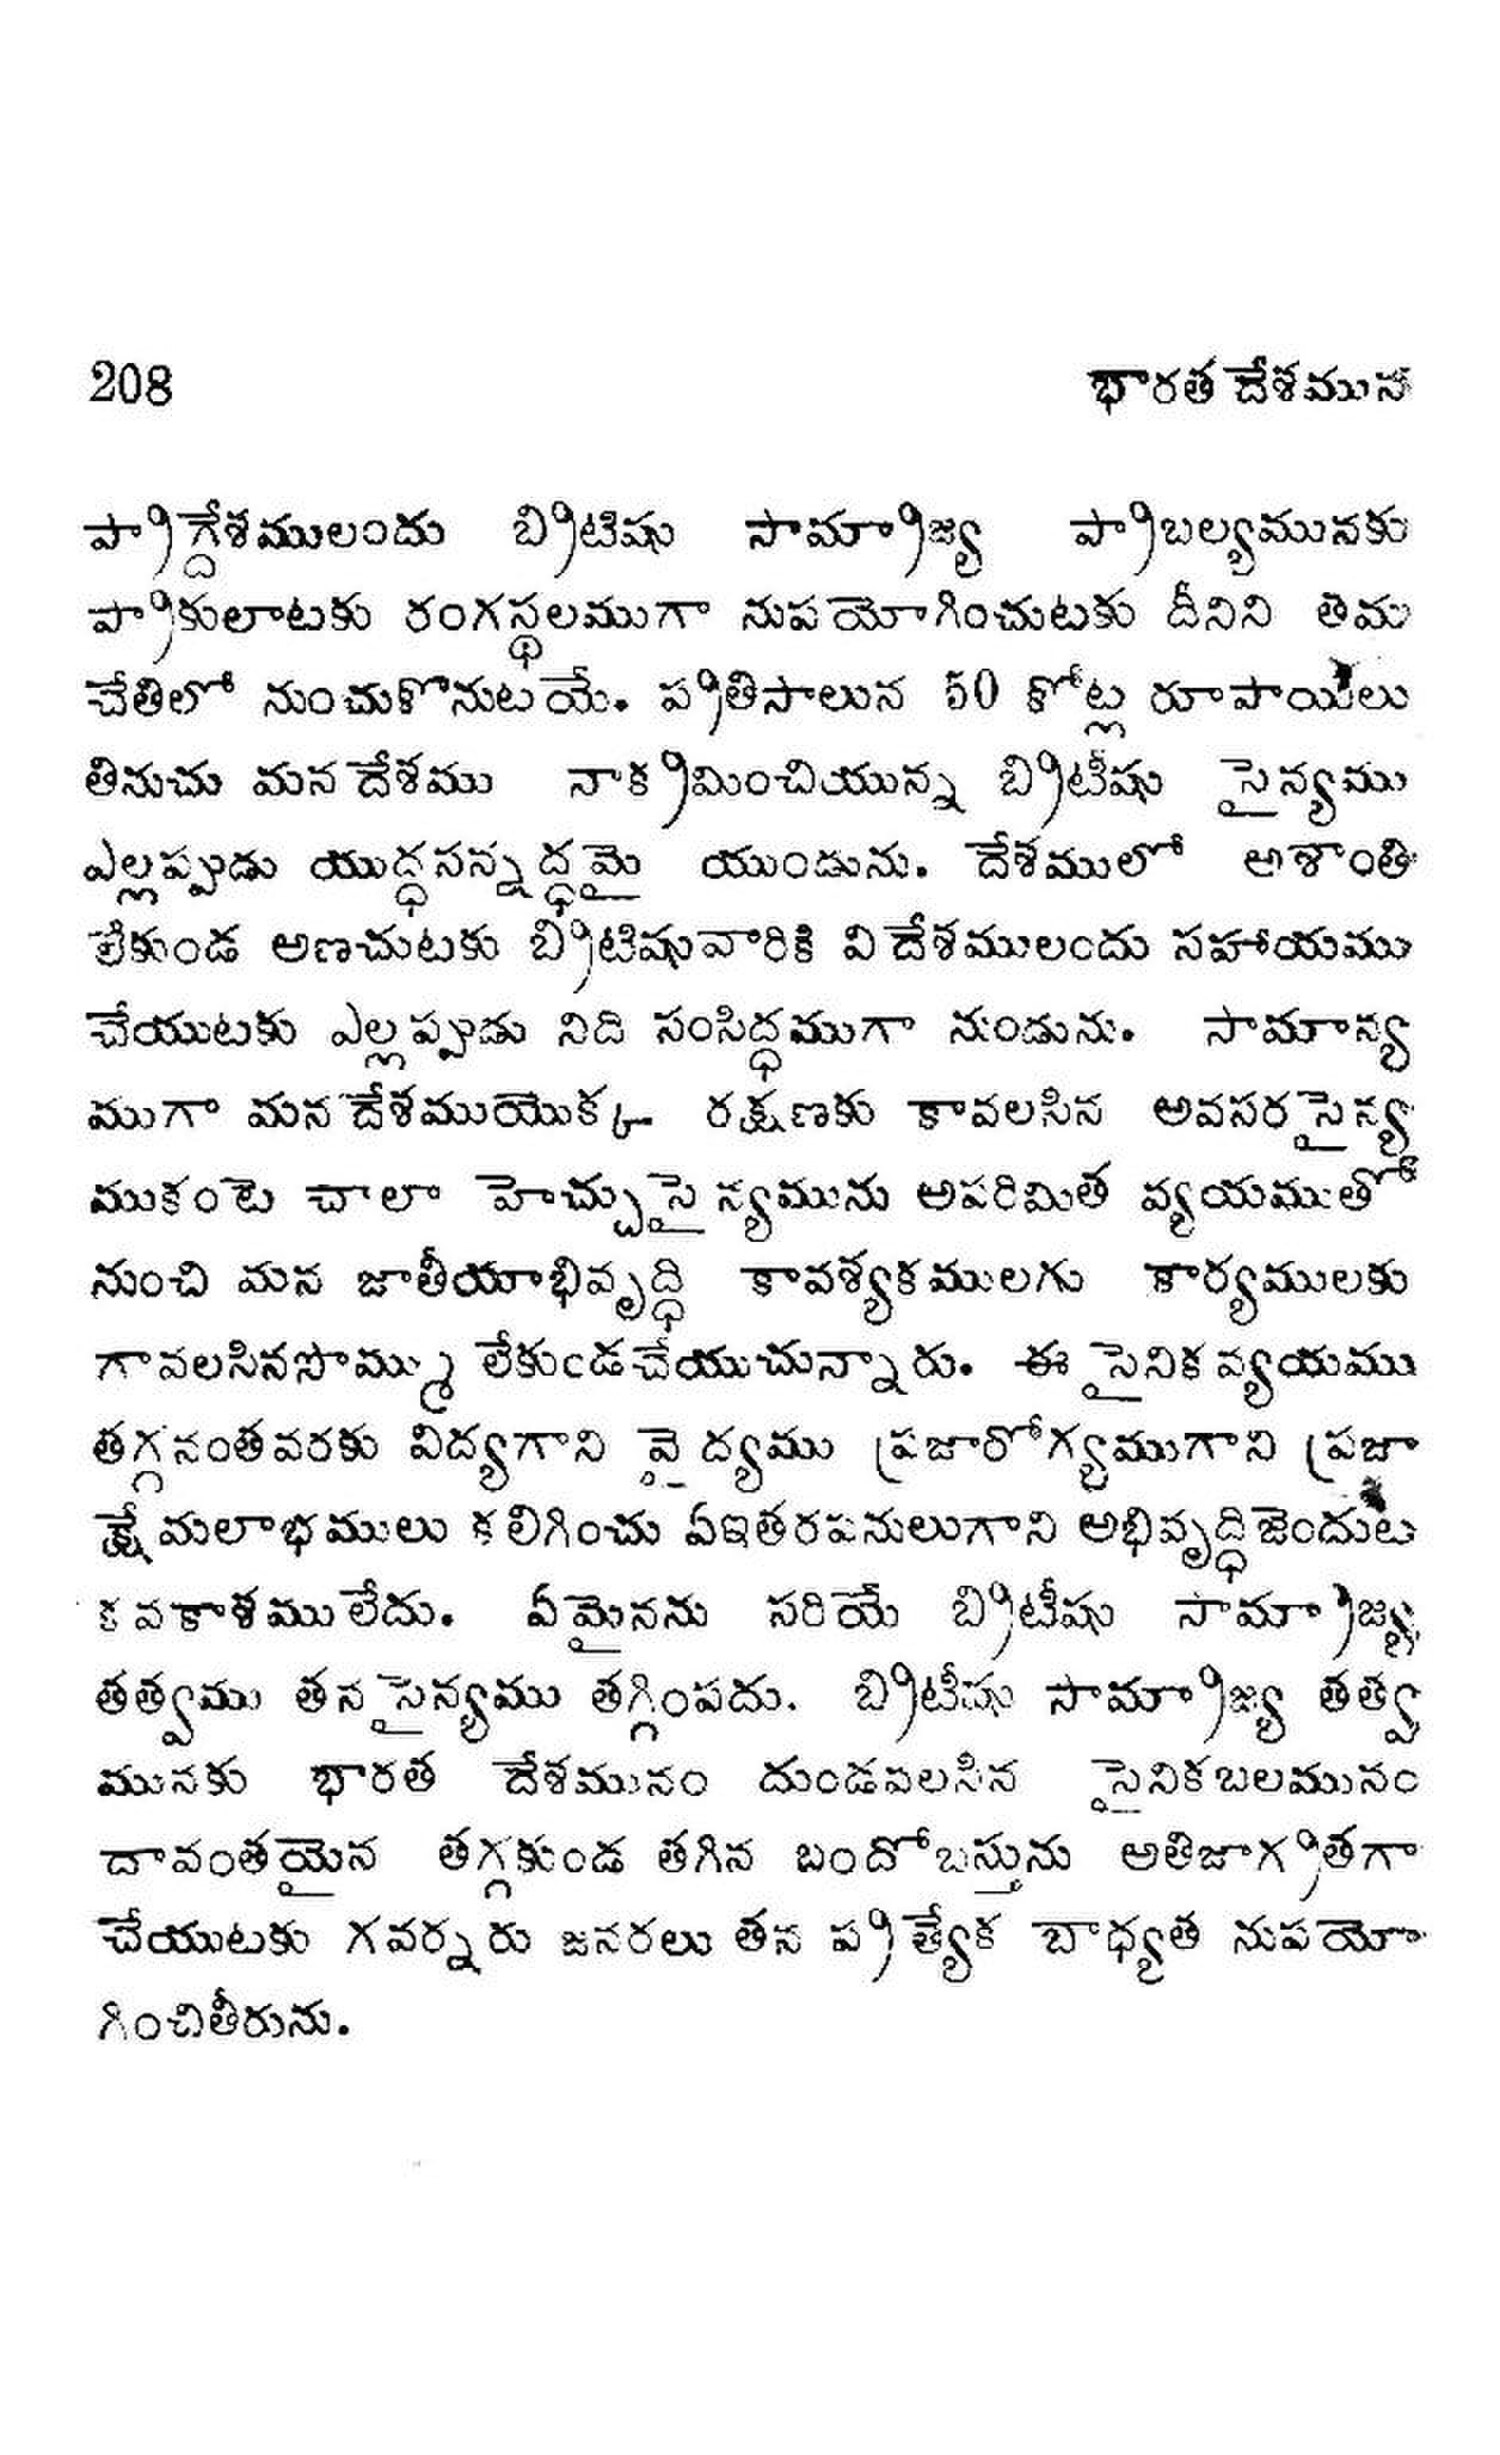ప్రాగ్దేశములందు బ్రిటిషు సామ్రాజ్య ప్రాబల్యమునకు ప్రాకులాటకు రంగస్థలముగా నుపయోగించుటకు దీనిని తమచేతిలో నుంచుకొనుటయే. ప్రతిసాలున 50 కోట్ల రూపాయలు తినుచు మనదేశము నాక్రమించియున్న బ్రిటీషు సైన్యము ఎల్లప్పుడు యుద్ధసన్నద్ధమై యుండును. దేశములో అశాంతి లేకుండ అణచుటకు బ్రిటిషువారికి విదేశములందు సహాయము చేయుటకు ఎల్లప్పుడు నిది సంసిద్ధముగా నుండును. సామాన్యముగా మనదేశముయొక్క రక్షణకు కావలసిన అవసరసైన్యముకంటె చాలా హెచ్చుసైన్యమును అపరిమిత వ్యయముతో నుంచి మన జాతీయాభివృద్ధి కావశ్యకములగు కార్యములకు గావలసిన సొమ్ము లేకుండచేయుచున్నారు. ఈసైనికవ్యయము తగ్గనంతవరకు విద్యగాని వైద్యము ప్రజారోగ్యముగాని ప్రజా క్షేమలాభములు కలిగించు ఏఇతరఫనులుగాని అభివృద్ధిజెందుట కవకాశములేదు. ఏమైనను సరియే బ్రిటీషు సామ్రాజ్య తత్వము తనసైన్యము తగ్గింపదు. బ్రిటీషు సామ్రాజ్య తత్వమునకు భారత దేశమునం దుండవలసిన సైనికబలమునం దావంతయైన తగ్గకుండ తగిన బందోబస్తును అతిజాగ్రతగా చేయుటకు గవర్నరు జనరలు తన ప్రత్యేక బాధ్యత నుపయోగించితీరును.